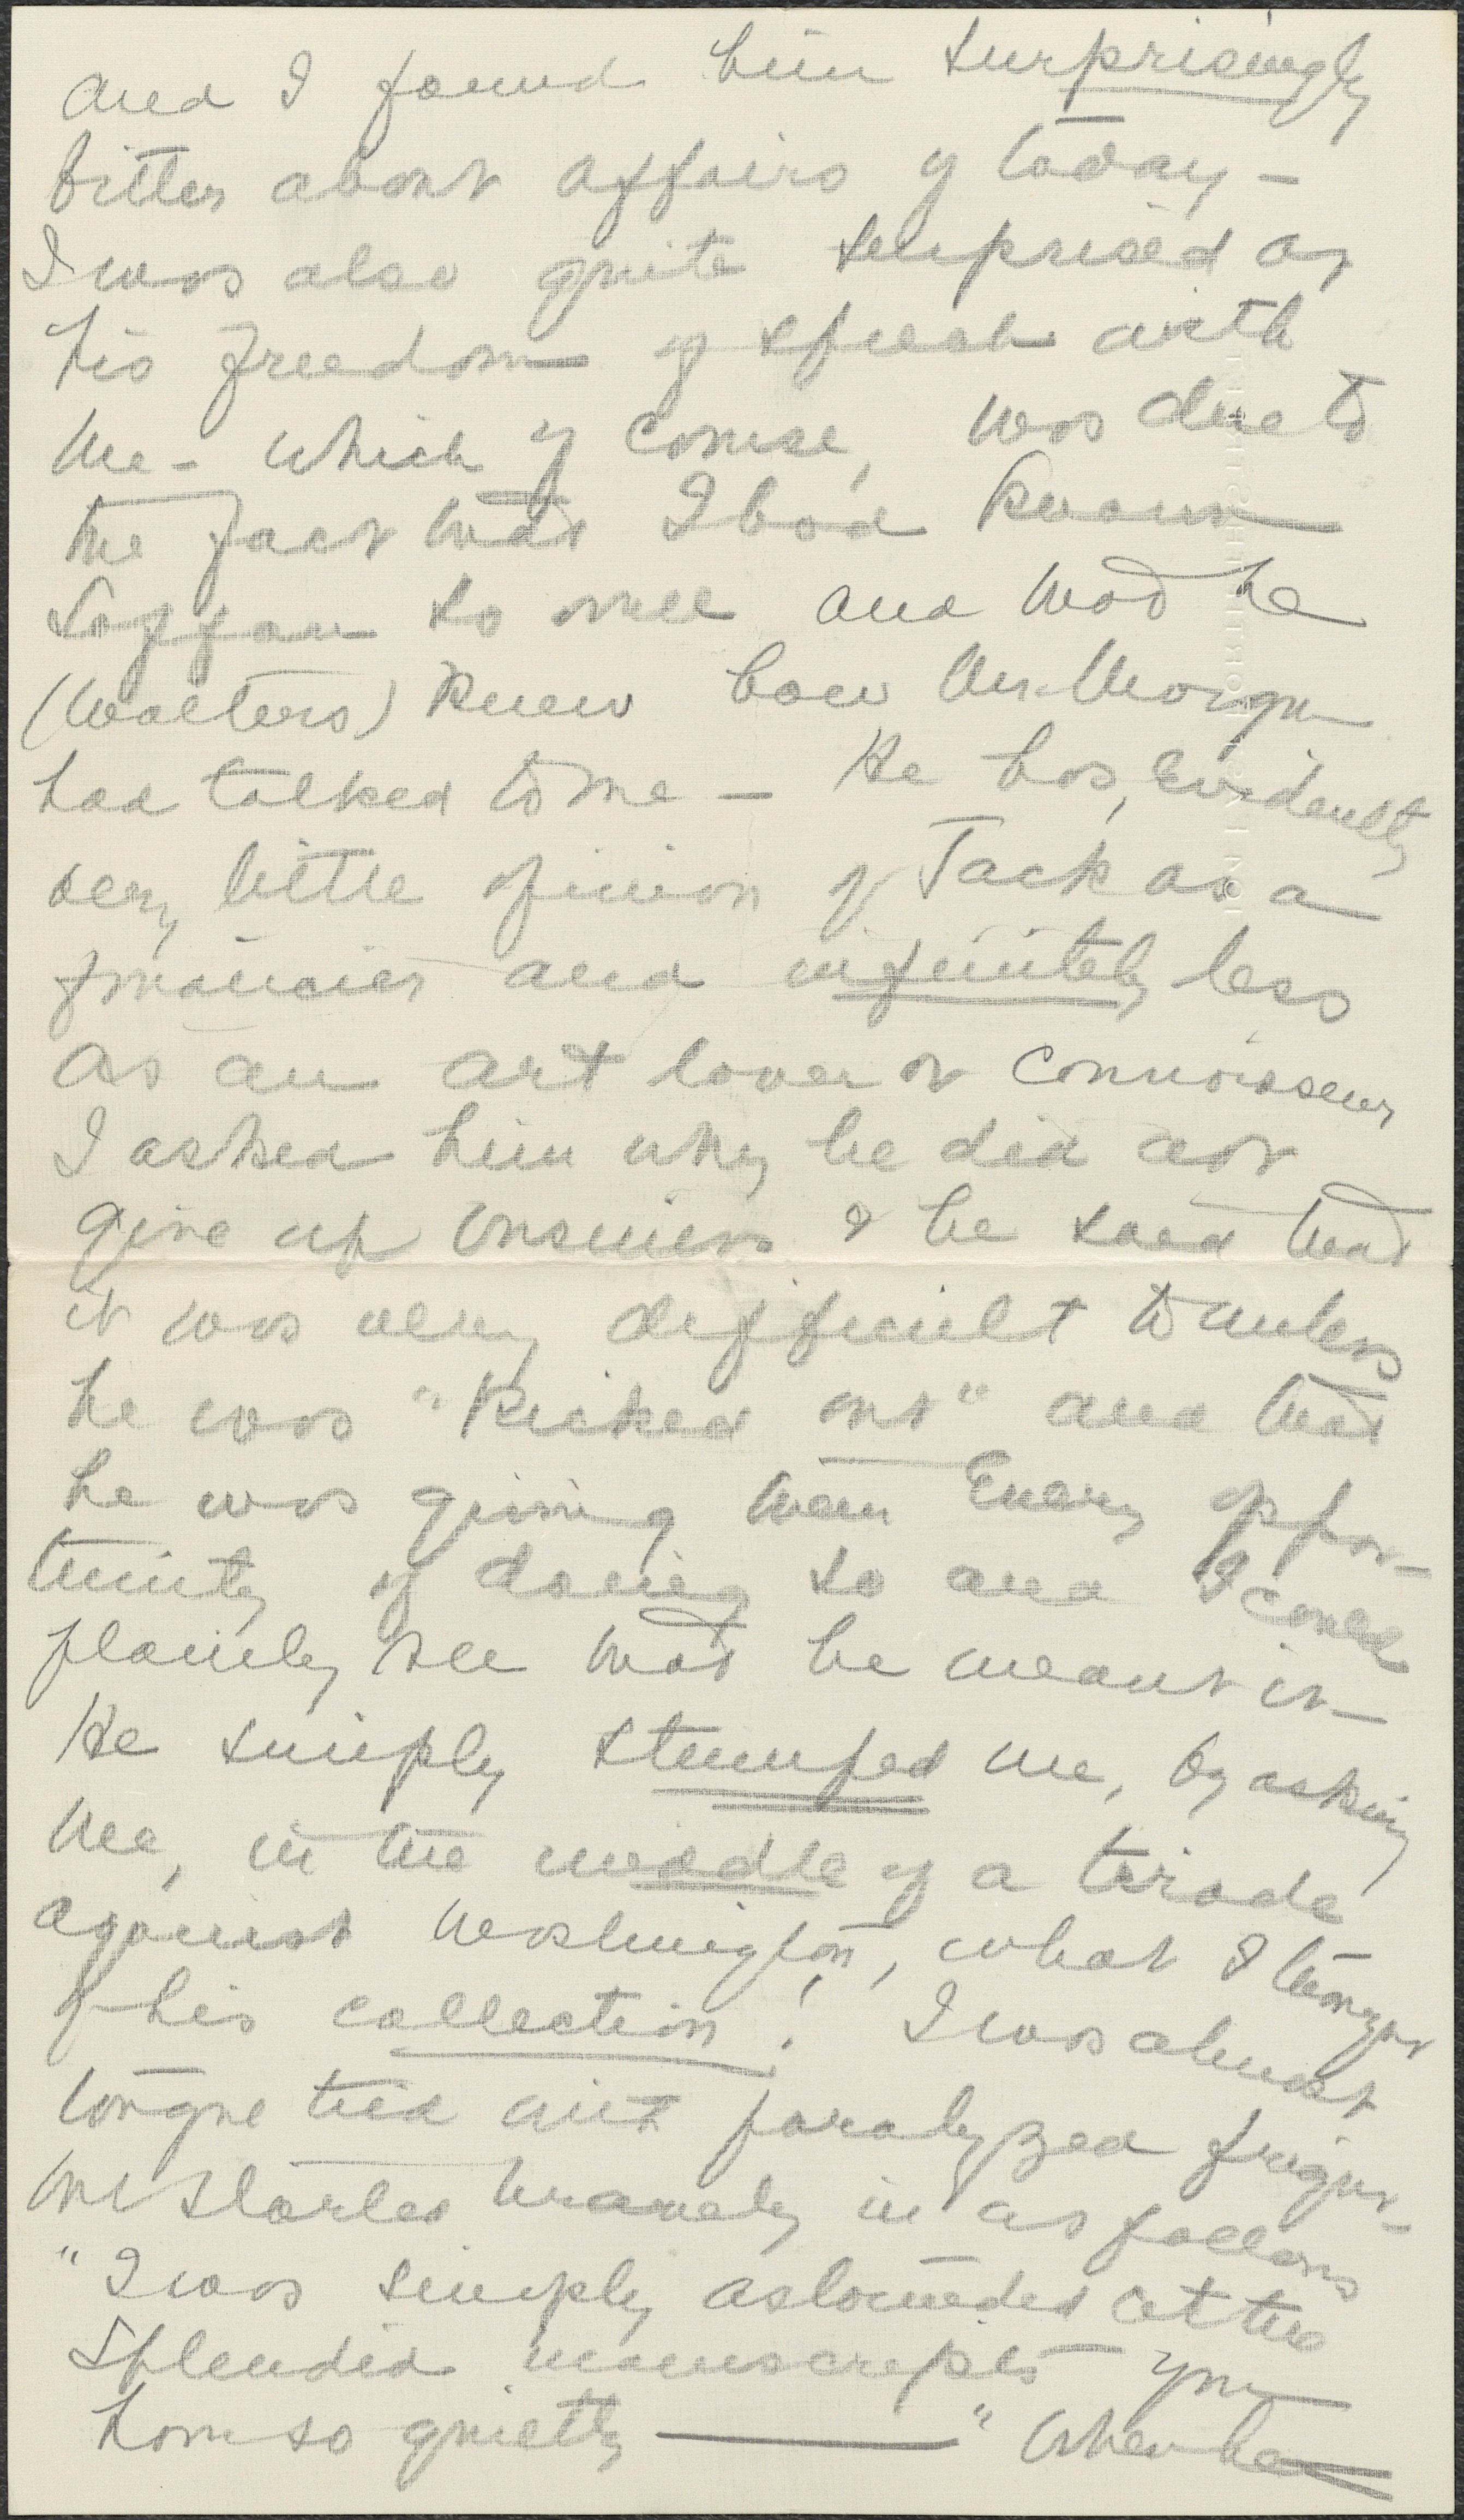and I found him surprisingly bitter about affairs of today – I was also quite surprised at his freedom of speech with me – which of course, was due to the fact that I had known Laffan so well and that he (Walters) knew how Mr. Morgan had talked to me – He has, evidently very little opinion of Jack as a financier and infinitely less as an art lover or connoisseur
I asked him why he did not give up business & he said that it was very difficult to unless he was “kicked out” and that he was giving them every opportunity of doing so and I could plainly see that he meant it – He simply [double underlined: stumped] me, by asking me, in the middle of a tirade against Washington, what I thought of his collection! I was almost tongue tied with paralyzed fright – but started bravely in as follows
“I was simply astounded at the splendid manuscripts you have so quietly —-” When he